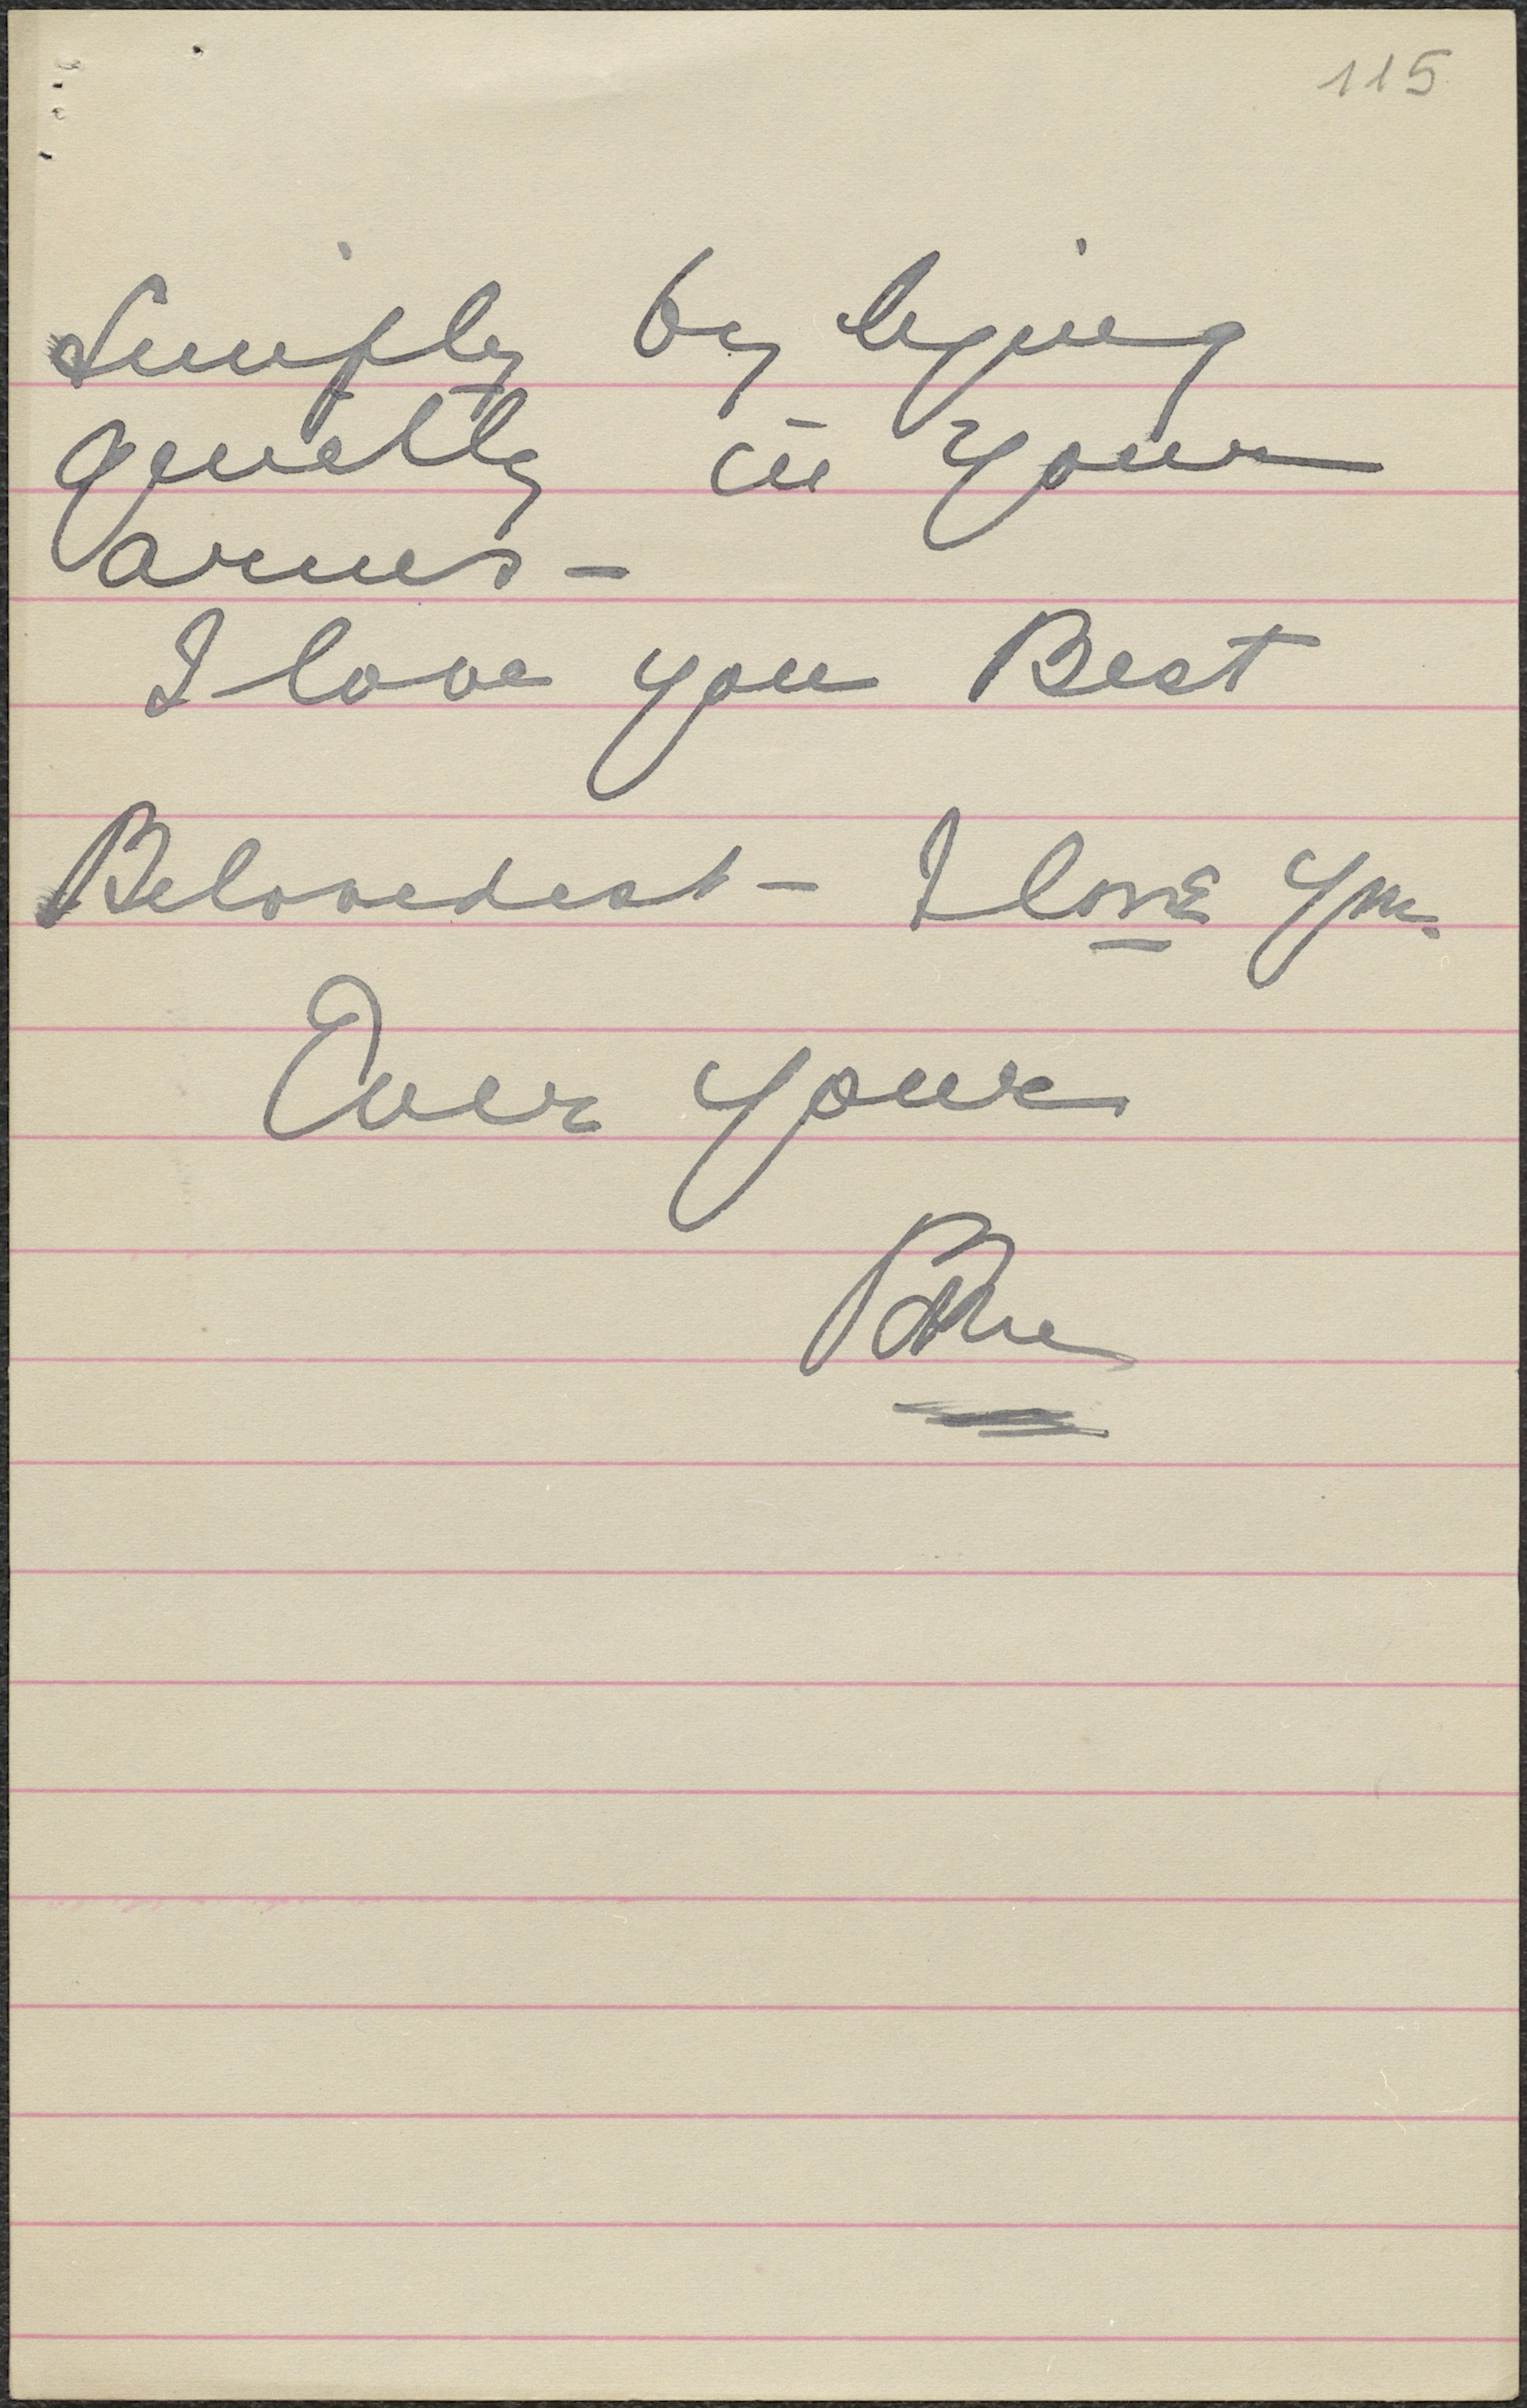simply by lying quietly in your arms –
I love you Best Belovedest – I love you.
Ever your
Belle